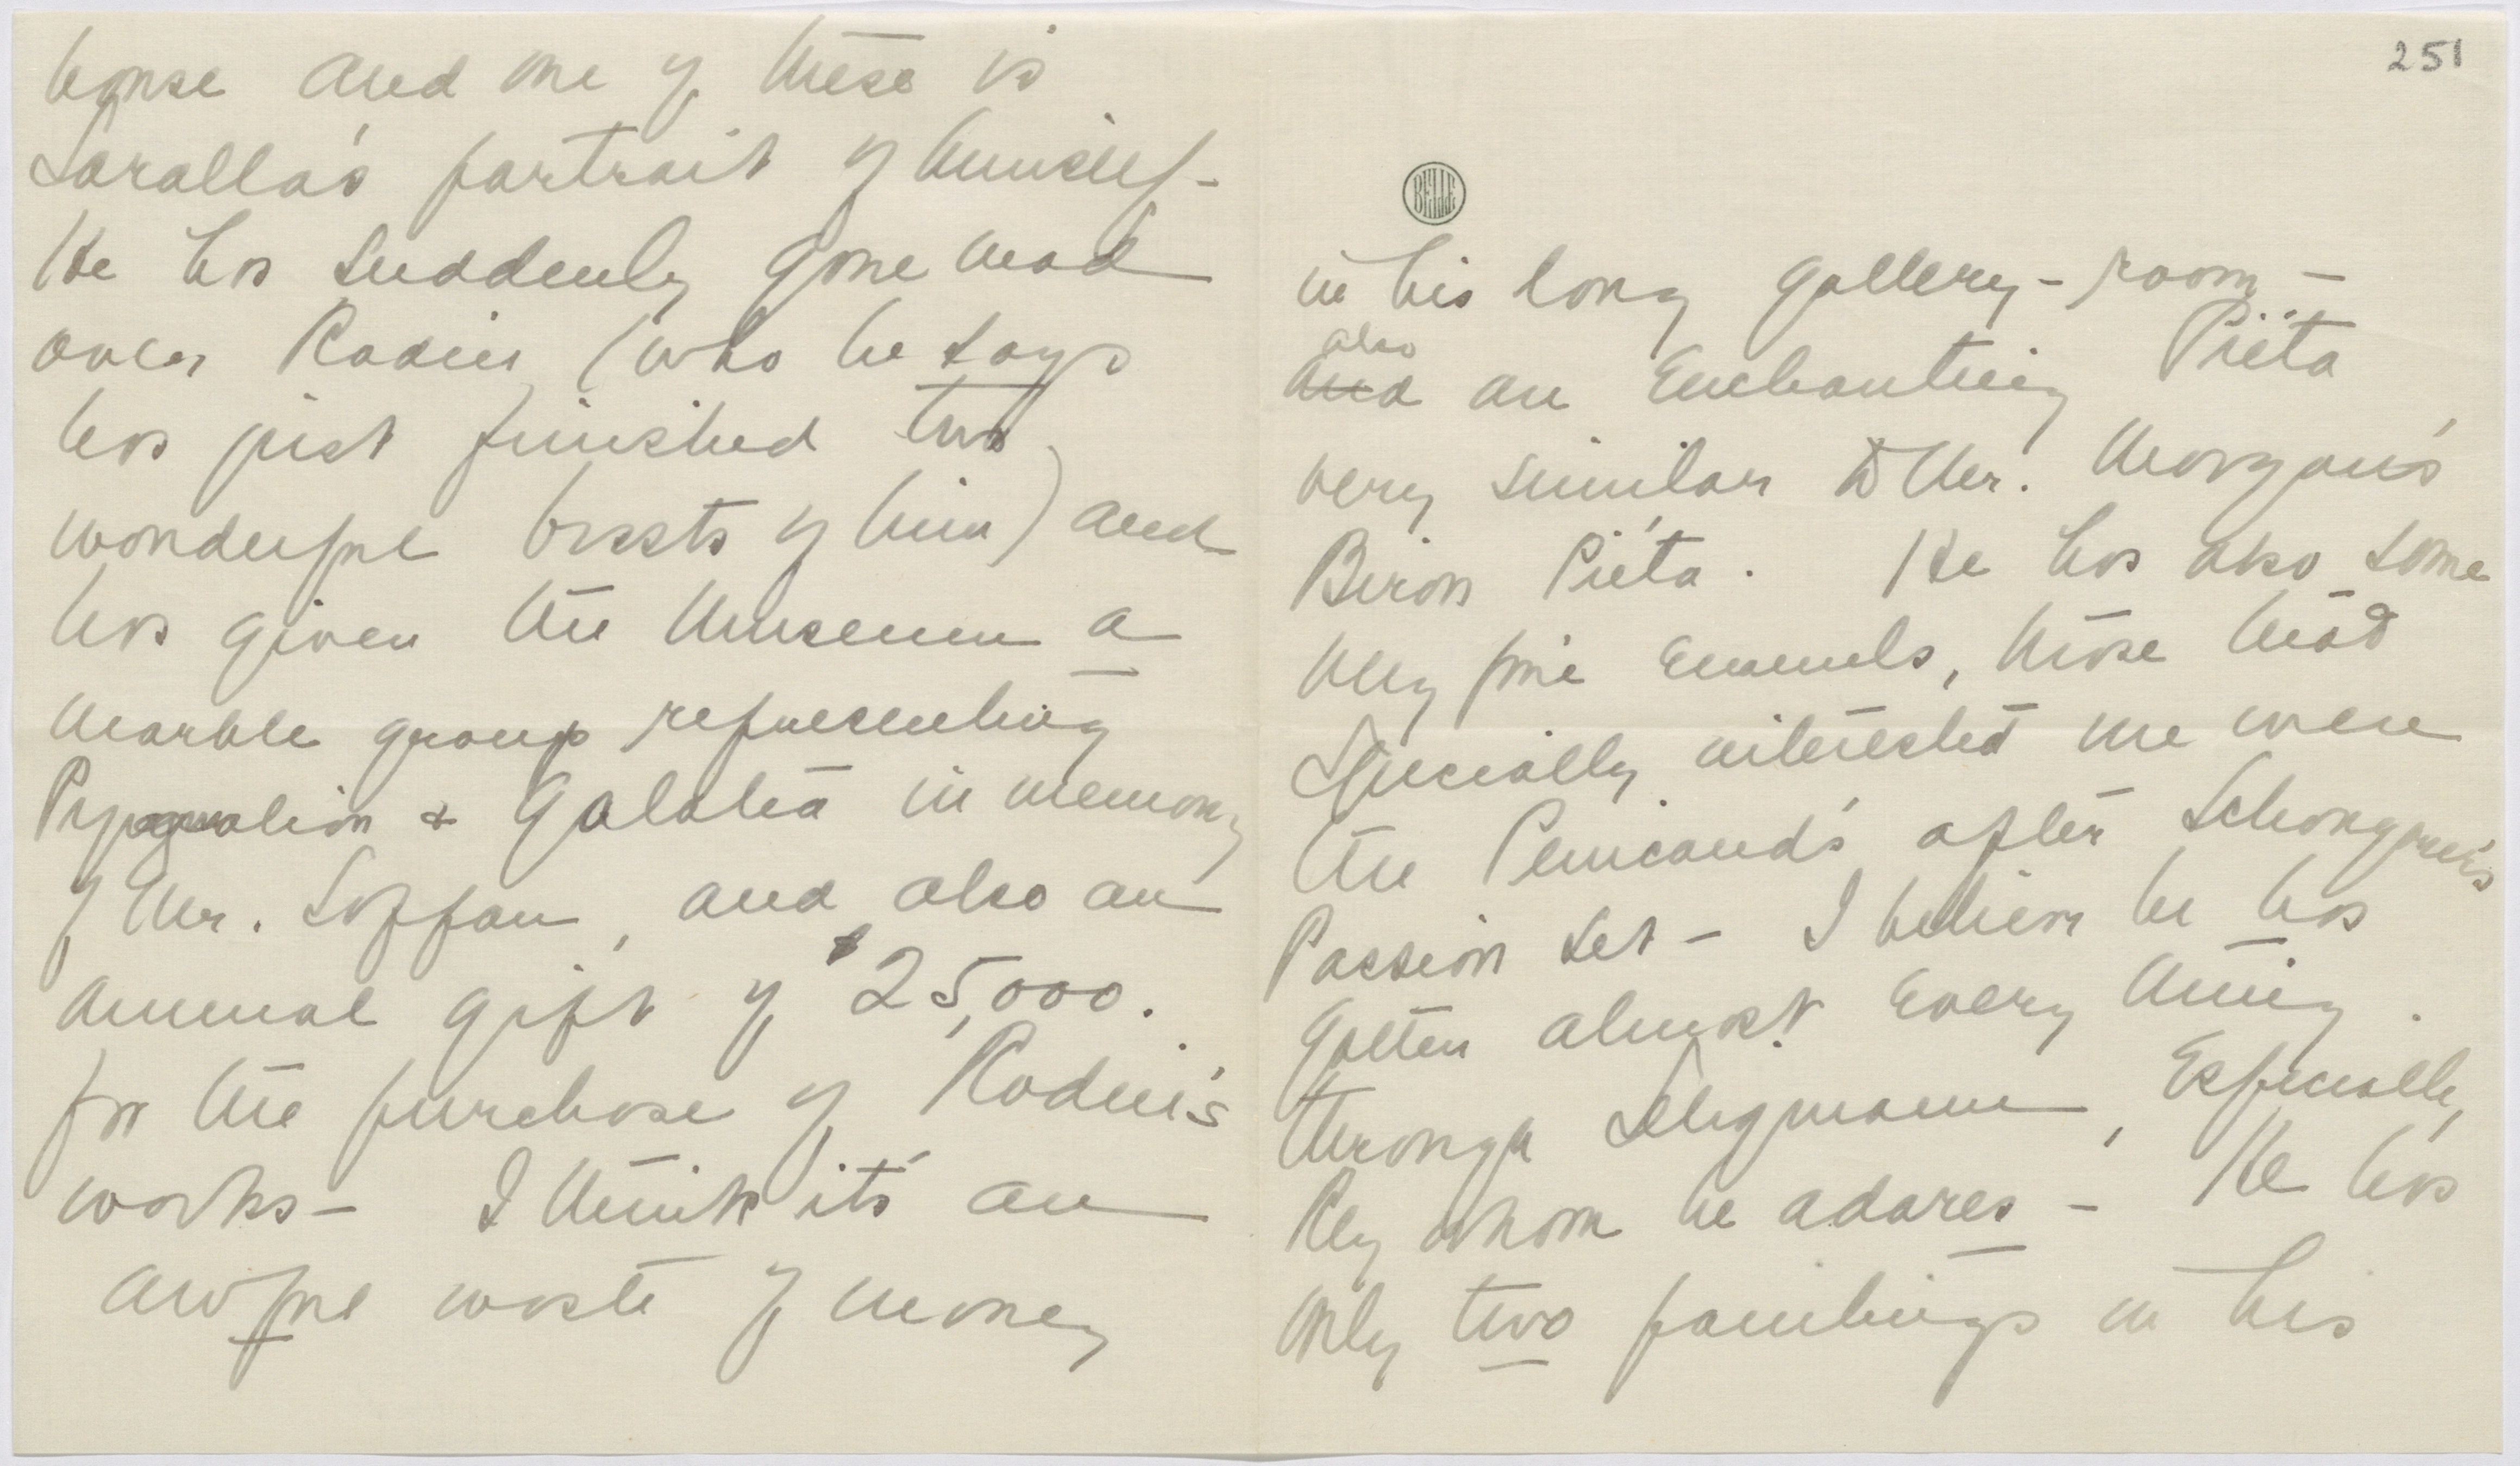in his long gallery-room – and [^also^] an enchanting Piéta very similar to Mr. Morgan’s Biron Piéta. He has also some very fine enamels, those that specifically interested me were the Penicaud’s after Schongauer’s Passion set – I believe he has gotten almost every thing through Seligmann, especially Rey whom he adores – He has only two paintings in his
house and one of these is Sorolla’s portrait of himself – He has suddenly gone mad over Rodin (who he says has just finished two wonderful busts of him) and has given the Museum a marble group representing Pygmalion & Galatea in memory of Mr. Laffan, and also an annual gift of $25,000. for the purchase of Rodin’s works – I think it’s an awful waste of money